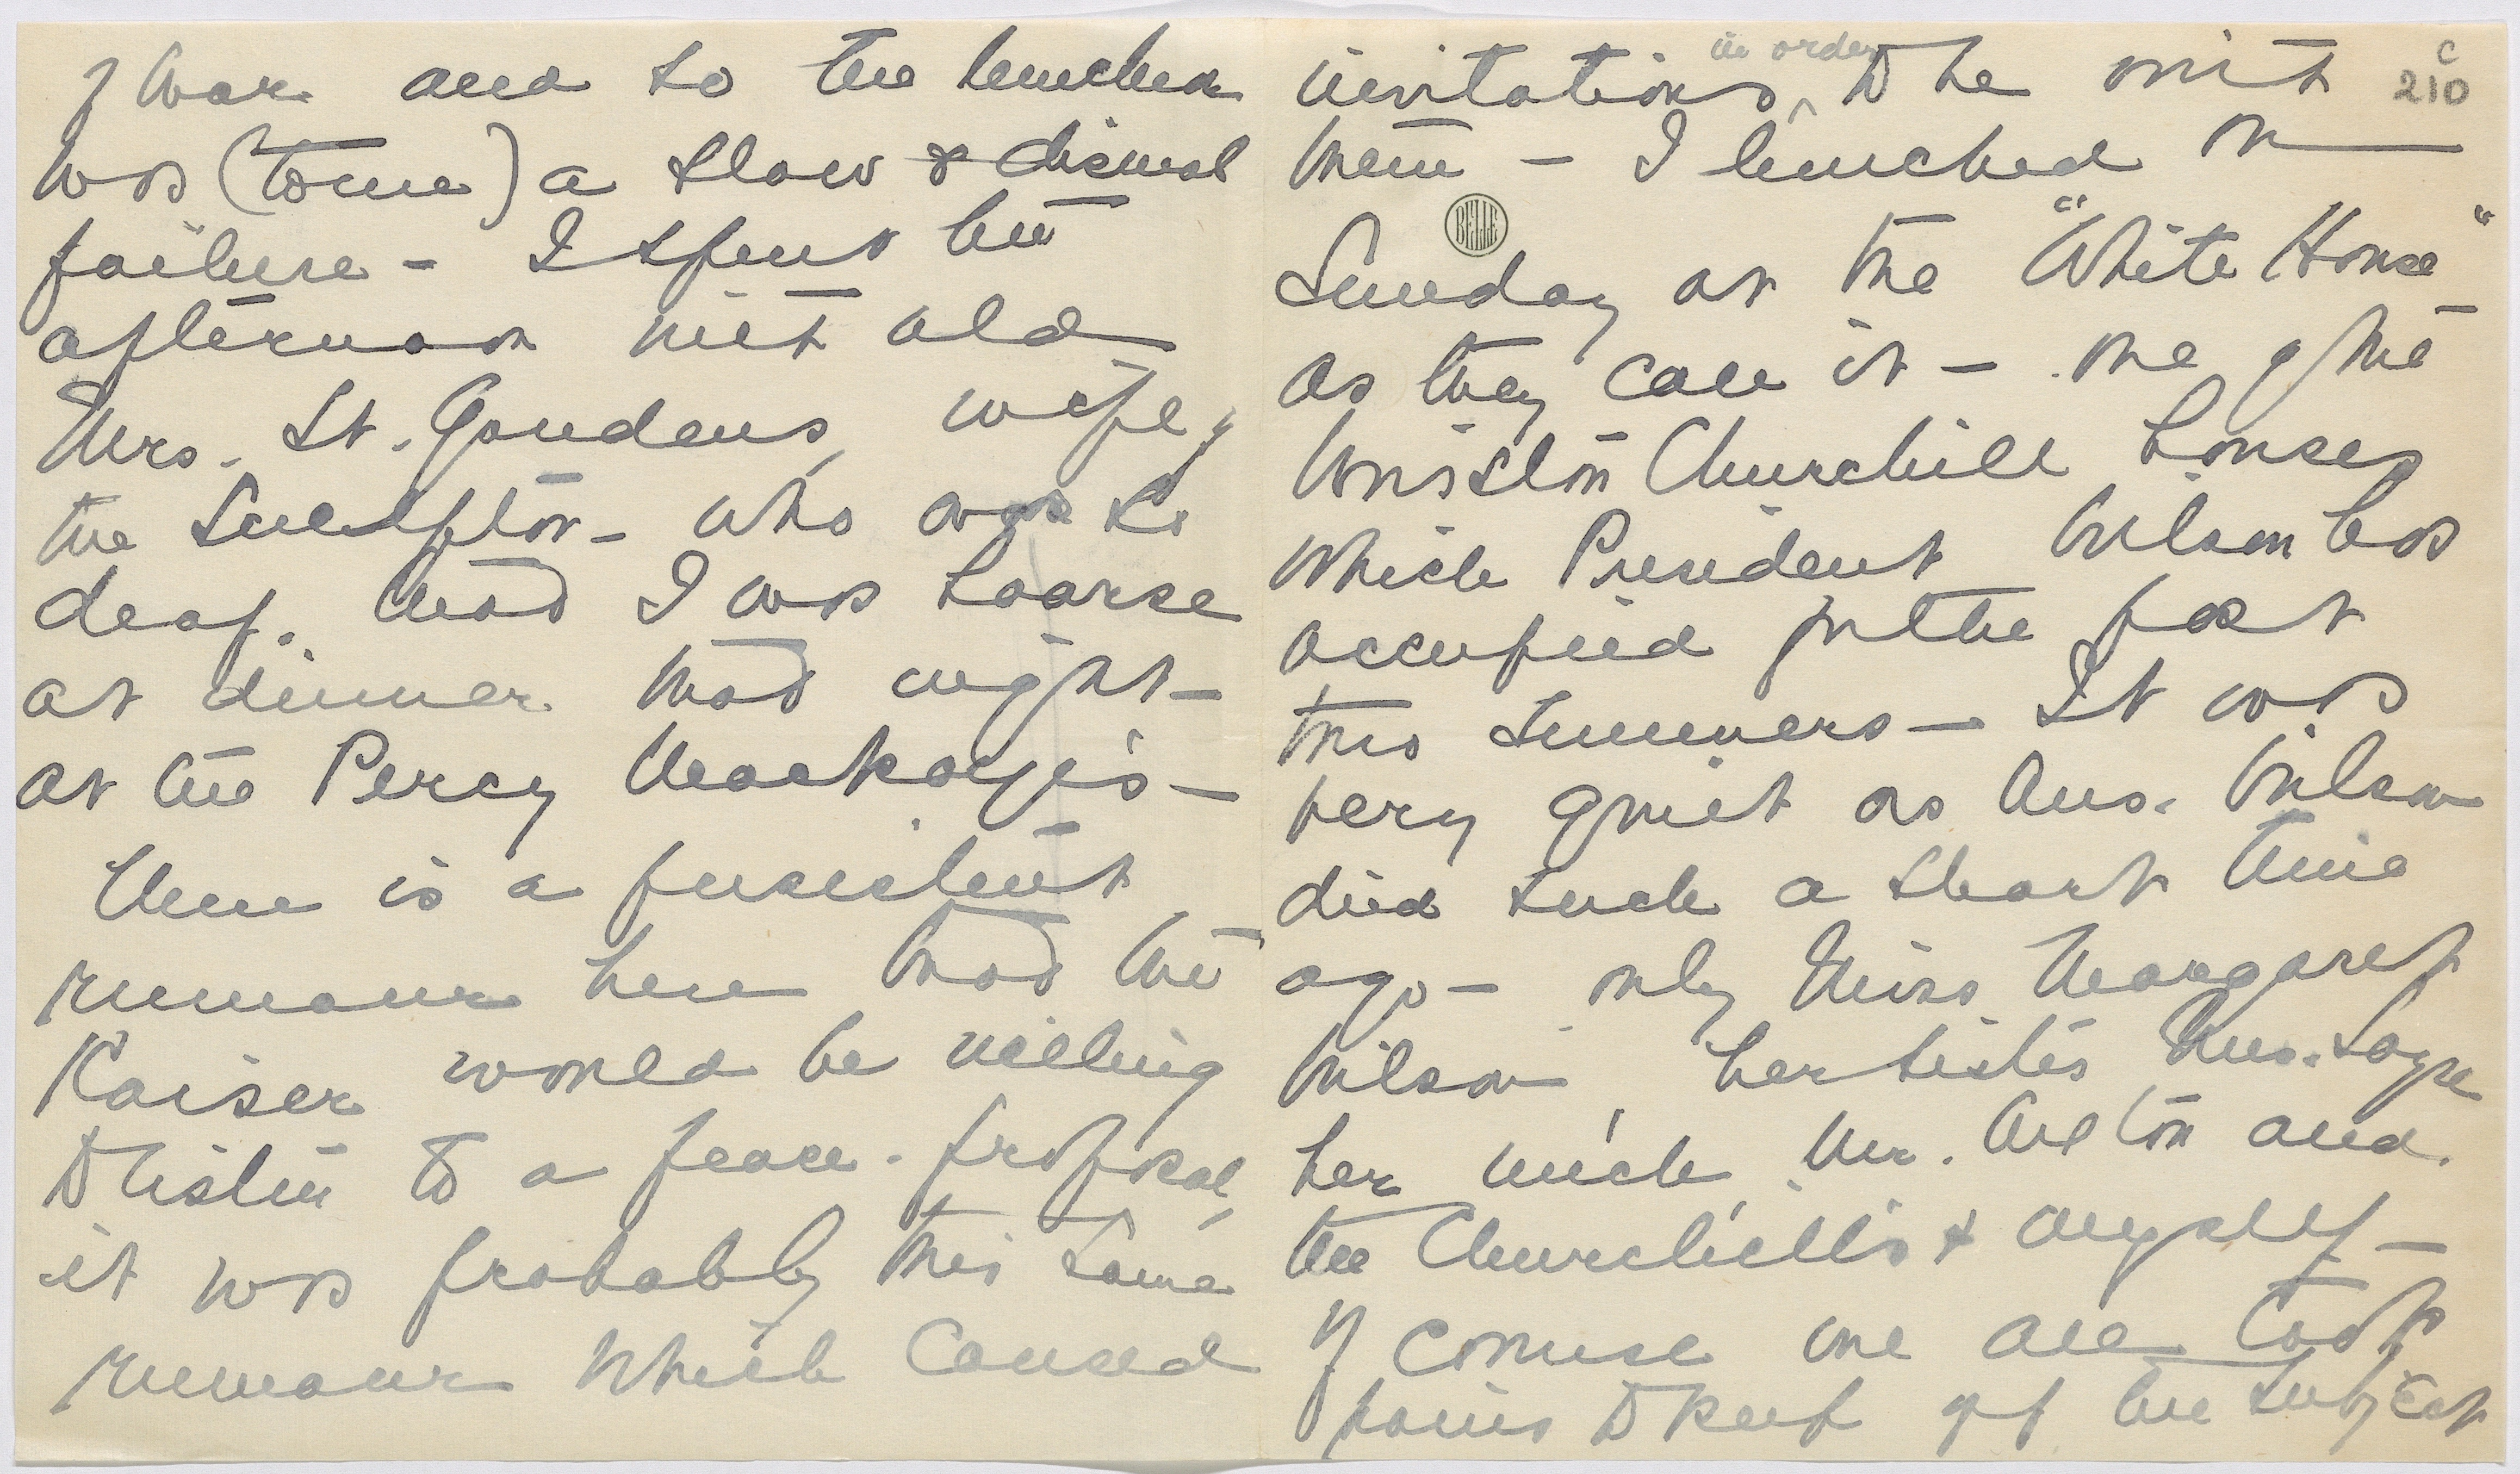invitations [^in order^] to be with them – I lunched on Sunday at the “White House” as they call it – one of the Winston Churchill houses which President Wilson has occupied for the past two summers – It was very quiet as Mrs. Wilson died such a short time ago – only Miss Margaret Wilson, her sister Mrs. Sayre her uncle Mr. Axton [sic] and the Churchills & myself – of course we all took pains to keep off the subject
of War and so the luncheon was (to me) a slow & dismal failure – I spent the afternoon with old Mrs. St. Gaudens, wife of the sculptor – who was so deaf that I was hoarse at dinner that night at the Percy Mackaye’s –
There is a persistent rumour here that the Kaiser would be willing to listen to a peace-proposal, it was probably this same rumour which caused